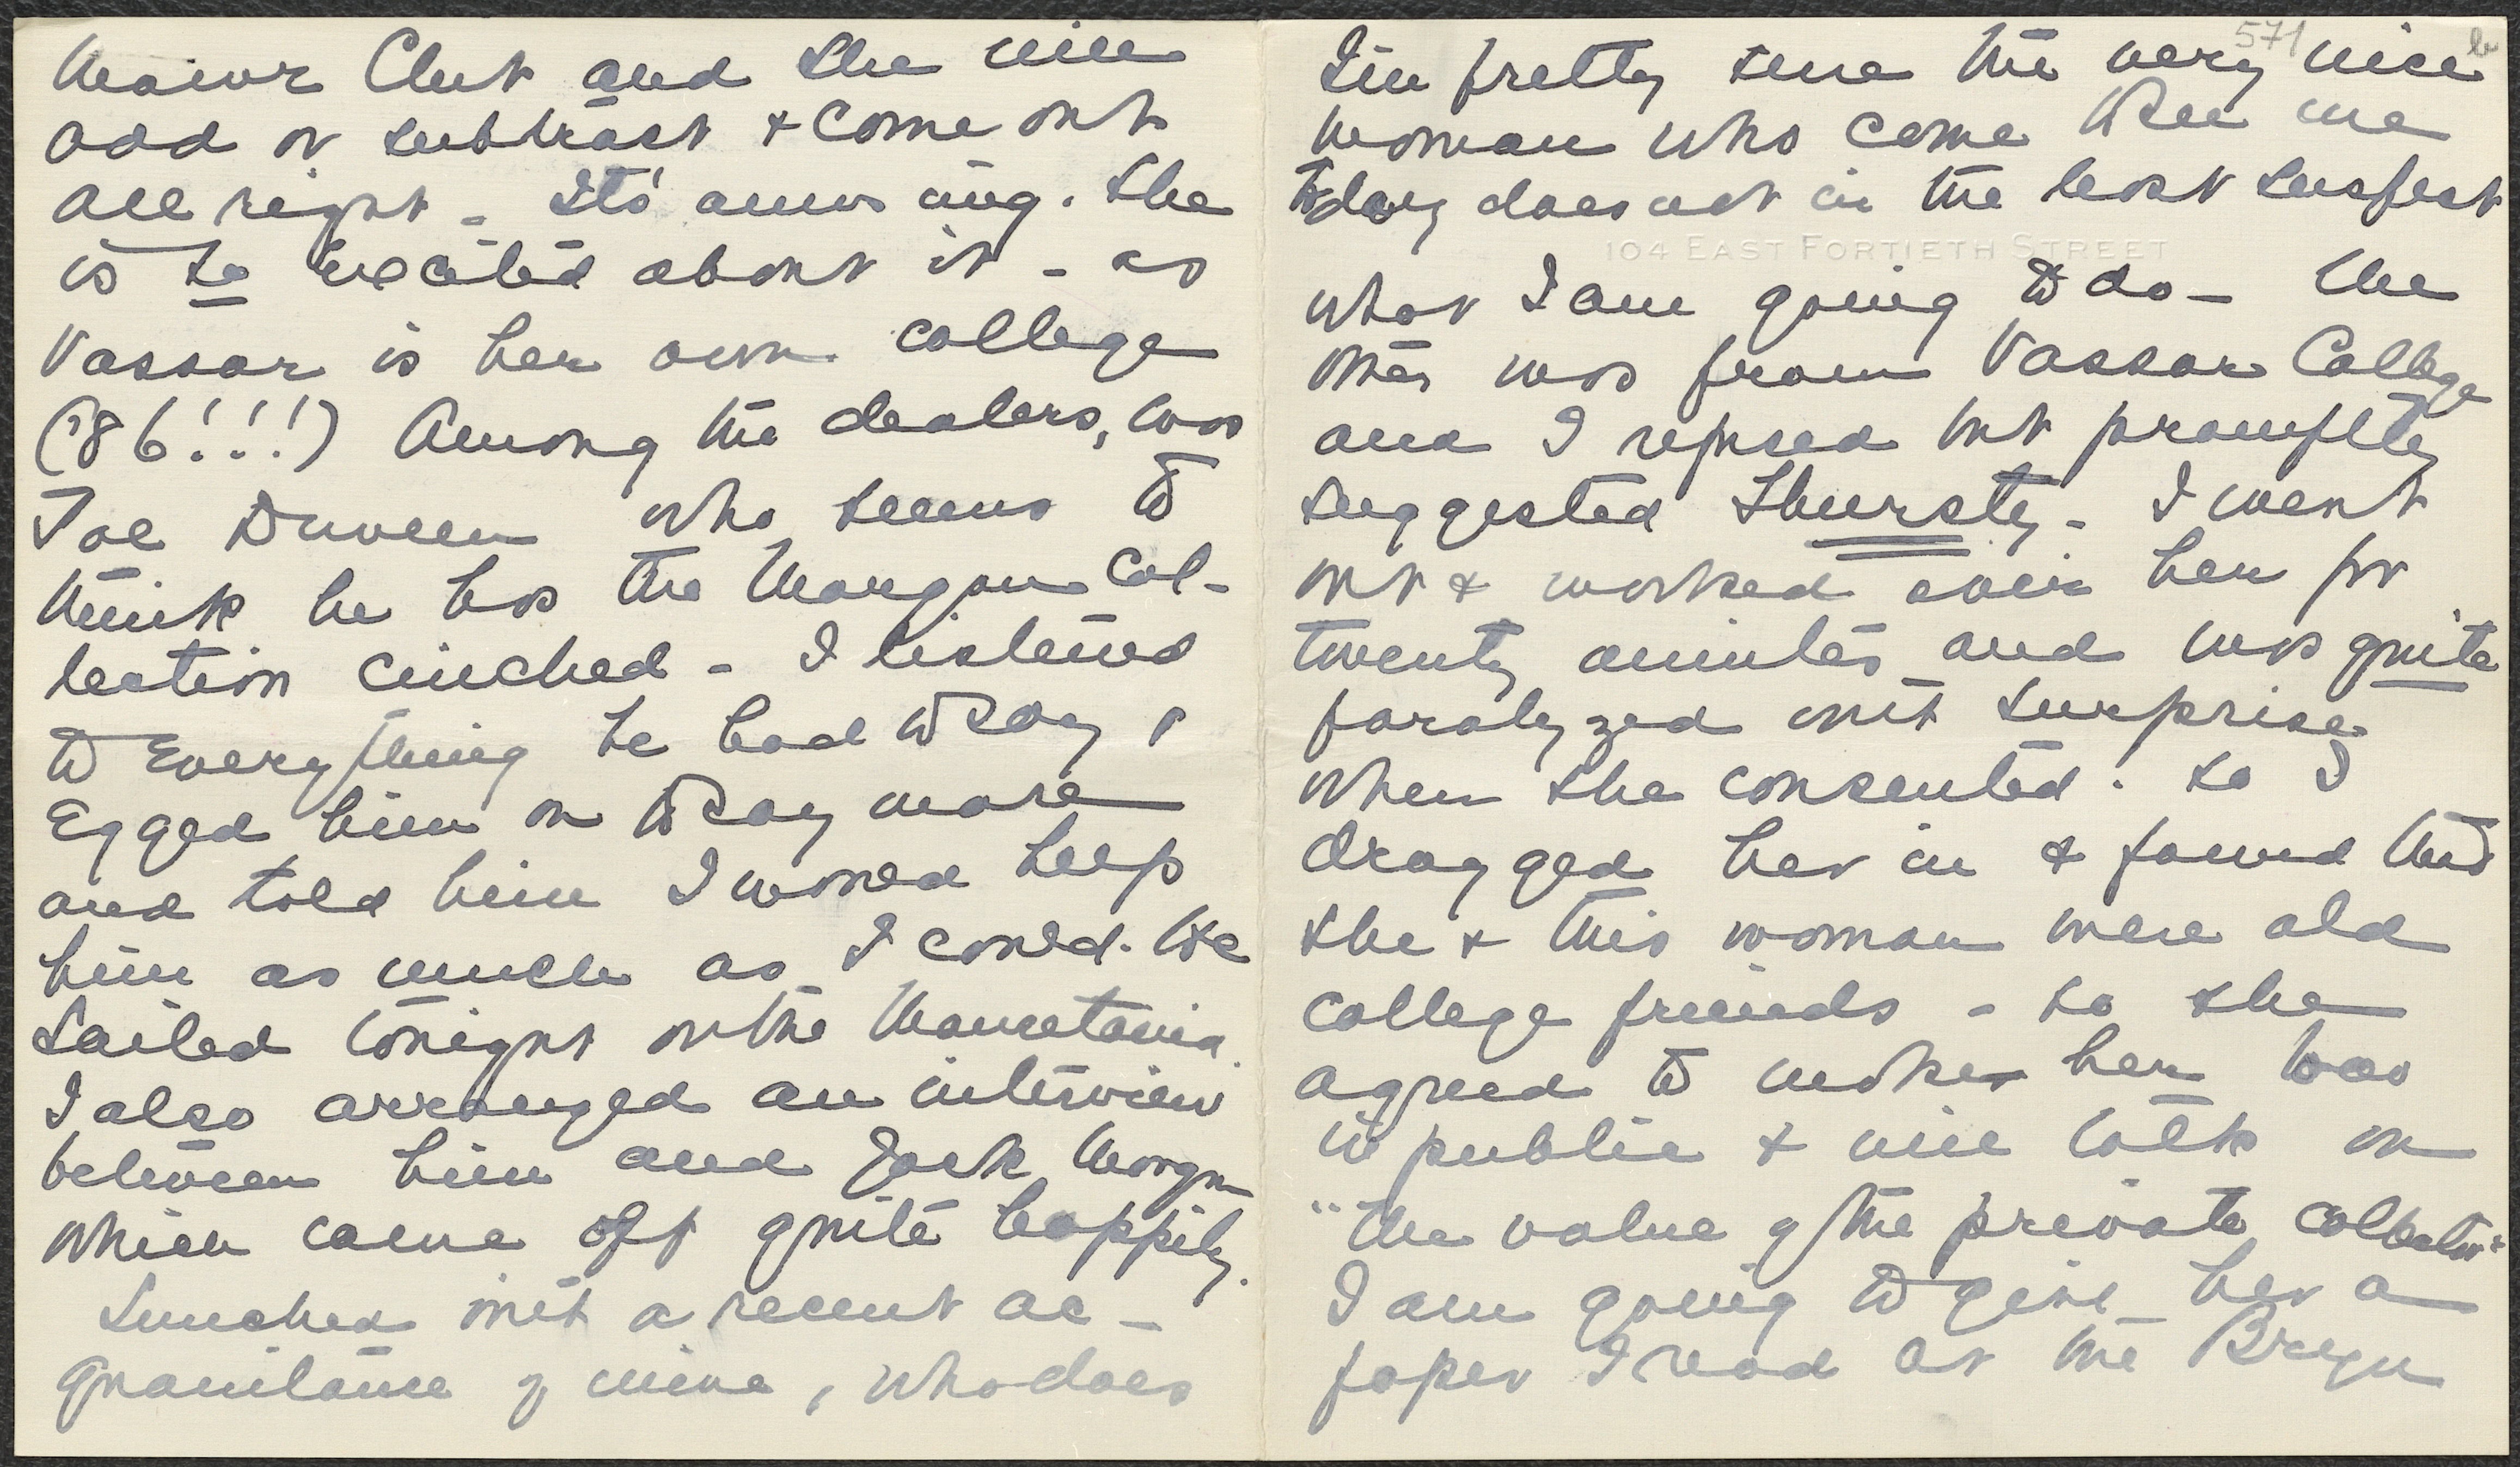I’m pretty sure the very nice woman who came to see me today does not in the least suspect what I am going to do – the other was from Vassar College and I refused but promptly suggested [double underlined: Thursty] – I went out & worked over her for twenty minutes and was quite paralyzed with surprise when she consented! So I dragged her in & found that she & this woman were old college friends – so she agreed to make her be in public & will talk on “the value of the private collector”
I am going to give her a paper I read at the Bryn
Mawr Club and she will add or subtract & come out all right – It’s amusing. She is so excited about it – as Vassar is her own college (‘86!!!) Among the dealers, was Joe Duveen who seems to think he was the Morgan collection cinched – I listened to everything he had to say & egged him on to say more and told him I would help him as much as I could. He sailed tonight on the Mauretania. I also arranged an interview between him and Jack Morgan which came off quite happily.
Lunched with a recent acquaintance of mine, who does